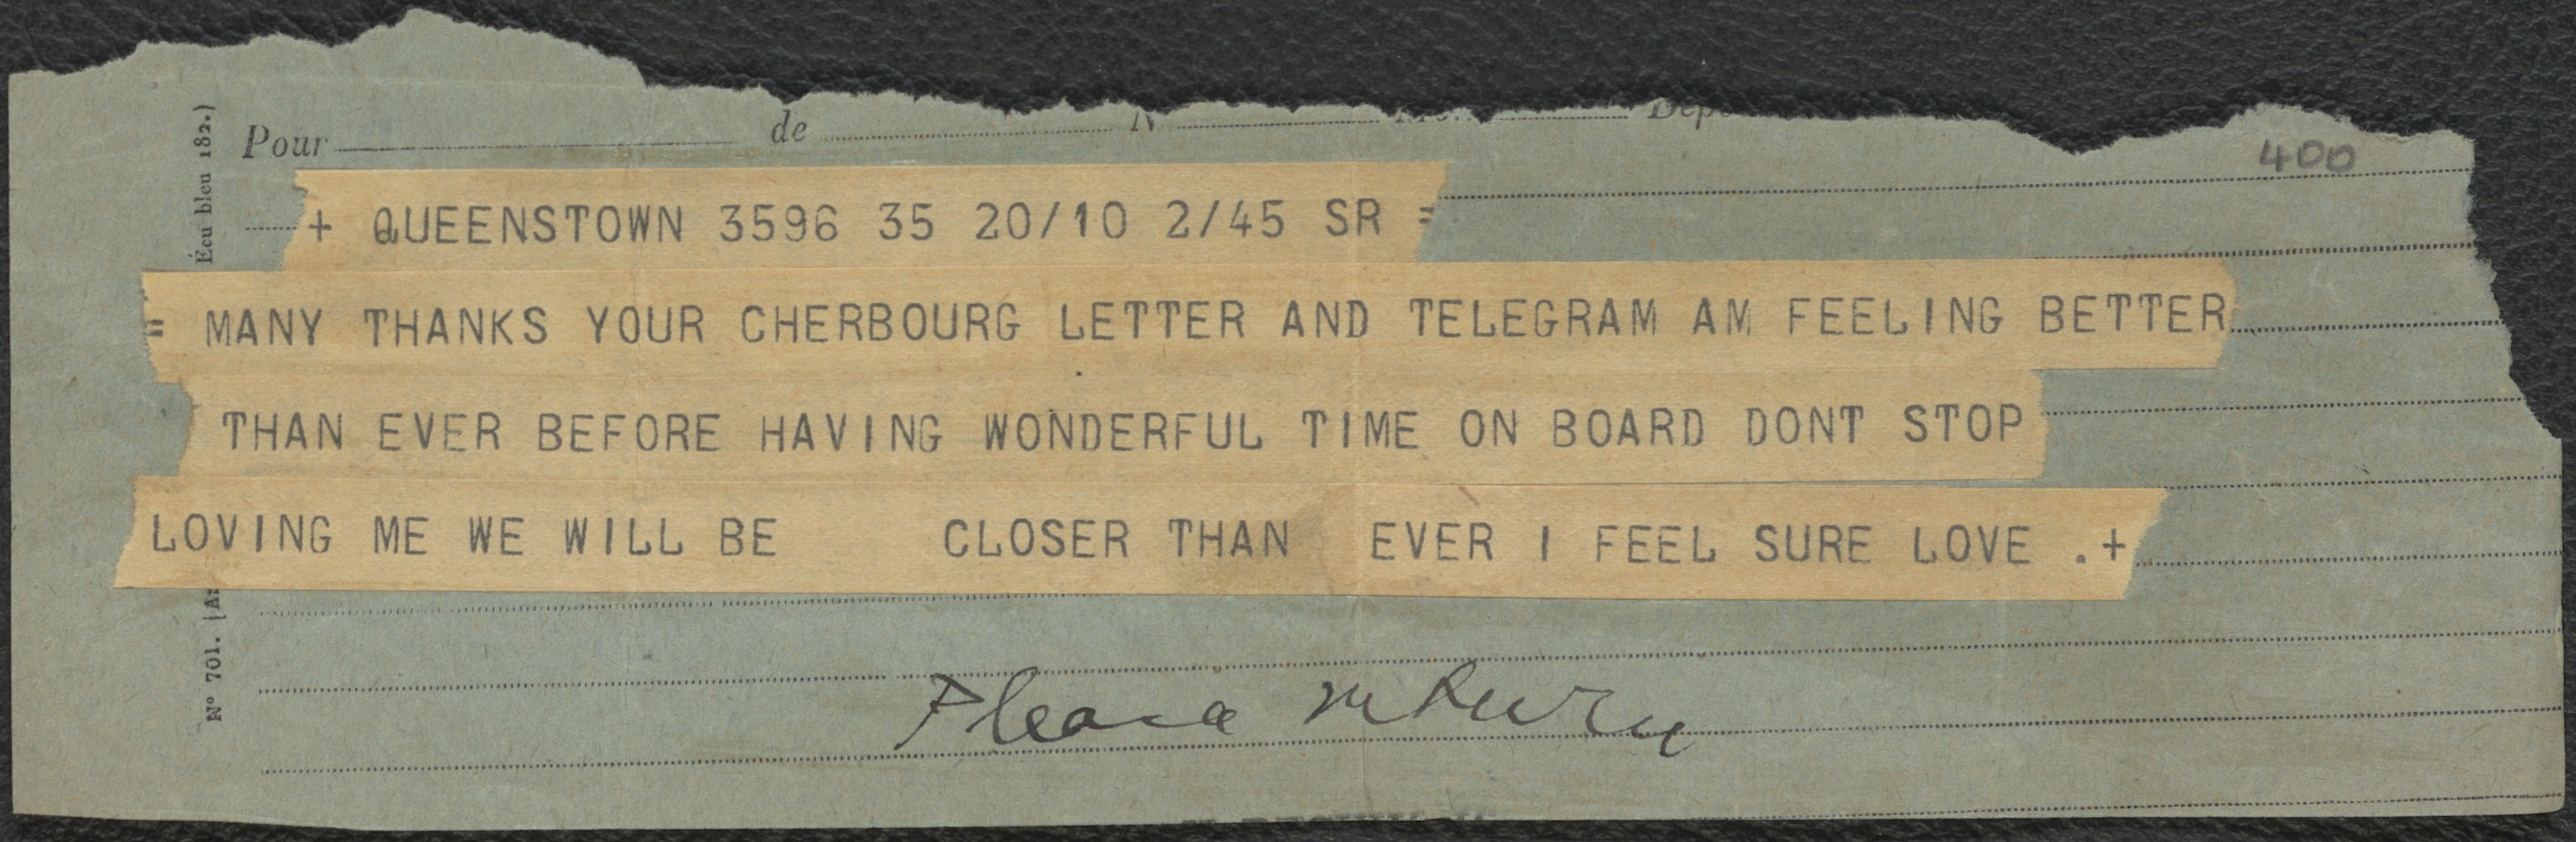+ QUEENSTOWN 3596 35 20/10 2/45 SR
MANY THANKS YOUR CHERBOURG LETTER AND TELEGRAM AM FEELING BETTER THAN EVER BEFORE HAVING WONDERFUL TIME ON BOARD DONT STOP LOVING ME WE WILL BE CLOSER THAN EVER I FEEL SURE LOVE. +
[in Bernard Berenson’s hand: Please return]